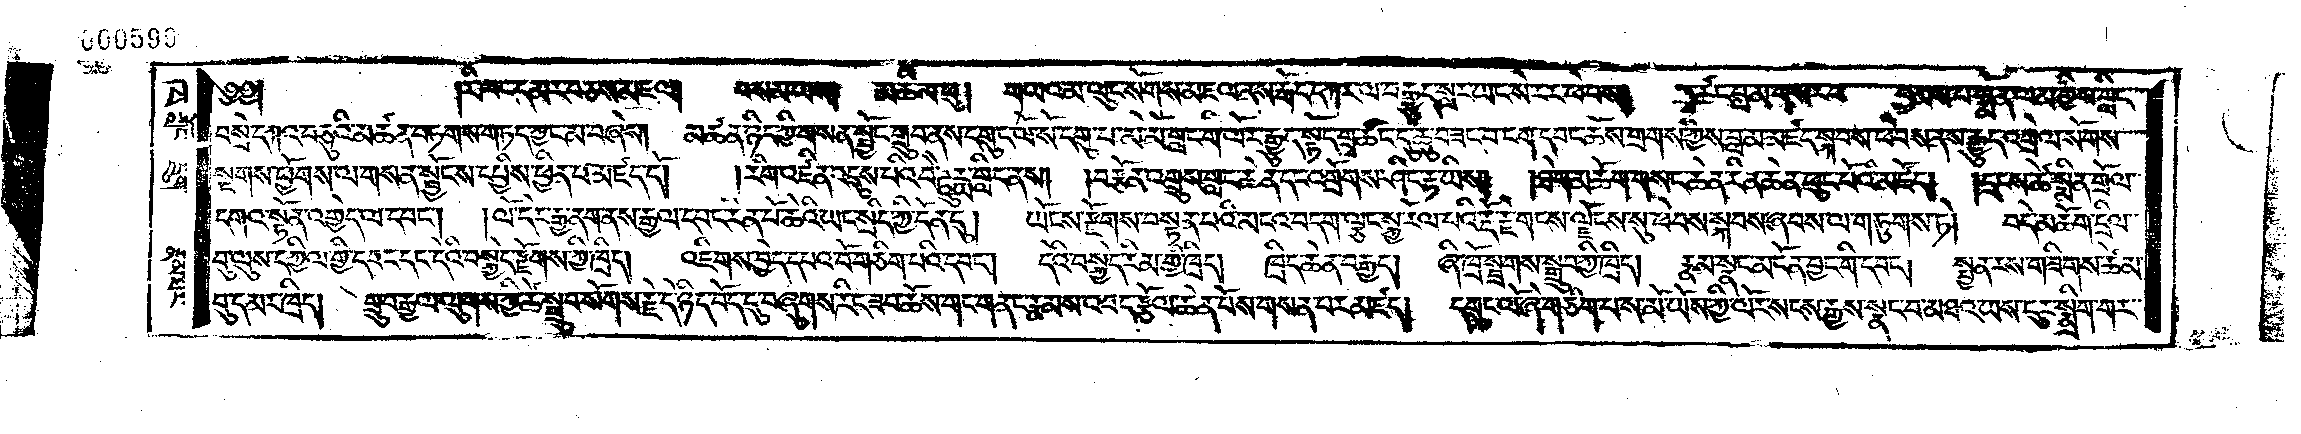༄༅། །རི་ཁང་དམར་བཅས་མཇལ། བསམ་ཡས། མཆིམ་ཕུ། གཡའ་མ་ལུང་སོགས་མཇལ་ནས་རྒོད་དཀར་ལ་བརྒྱུད་སླར་ཡང་སེ་རར་ཕེབས། གྲྭ་ཚང་བླ་མ་གསར་བ་བྱམས་པ་སྨོན་ལམ་གྱིས་གླིང་
བསྲེ་དཀའ་བཅུའི་མཚན་བཏགས་གཏད་ཀྱང་མ་བཞེས། མཚན་ཉིད་ཀྱི་གསན་སྦྱོང་གྲུབ་ནས་དགུང་ལོ་སོ་དགུ་པ་མེ་མོ་གླང་གི་ལོར་རྒྱུད་སྟོད་གྲྭ་ཚང་དུ་ཆུ་བཟང་བ་ངག་དབང་ཆོས་གྲགས་ཀྱིས་བླ་མ་མཛད་སྐབས་ཕེབས་ནས་རྒྱུད་འགྲེལ་སོགས་
སྔགས་ཕྱོགས་ལ་གསན་སྦྱོངས་དཔྱིས་ཕྱིན་པ་མཛད་དོ། །རིག་འཛིན་འདུས་པའི་བཻ་ཌཱུརྱ་གླིང་ནས། །བརྩོན་འགྲུས་གླང་ཆེན་དང་འགྲོགས་ཤིང་རྟ་ཡིས། །ཐེག་མཆོག་གསང་ཆེན་རིན་ཆེན་ཕུང་པོའི་མཛོད། །དྲངས་ཚེ་སྨིན་གྲོལ་
དགའ་སྟོན་འགྱེད་ལ་དབང་། །ལོ་དེར་རྒྱ་ནག་ནས་རྒྱལ་དབང་རིན་པོ་ཆེའི་ཡང་སྲིད་ཀྱི་དོན་དུ། ཡོངས་རྫོགས་བསྟན་པའི་མངའ་བདག་ལྕང་སྐྱ་རོལ་པའི་རྡོ་རྗེ་གངས་ལྗོངས་སུ་ཕེབས་སྐབས་ཞབས་ལ་གཏུགས་ཏེ། བདེ་མཆོག་དྲིལ་
བུ་ལུས་དཀྱིལ་གྱི་དབང་དང་དེའི་བསྐྱེད་རྫོགས་ཀྱི་ཁྲིད། འཇིགས་བྱེད་དཔའ་བོ་གཅིག་པའི་དབང་། དེའི་བསྐྱེད་རིམ་གྱི་ཁྲིད། ཁྲིད་ཆེན་བརྒྱད། ཞི་ཁྲོ་སྦྲགས་སྒྲུབ་ཀྱི་ཁྲིད། རྣམ་སྣང་མདོན་བྱང་གི་དབང་། སྤྱན་རས་གཟིགས་ཚེམ་
བུ་དམར་ཁྲིད། གྲུབ་རྒྱལ་ལུགས་ཀྱི་ཚེ་སྒྲུབ་སོགས་རྗེ་དེ་ཉིད་བོད་དུ་བཞུགས་རིང་ཟབ་ཆོས་གང་གནང་རྣམས་འབད་རྩོལ་ཆེན་པོས་གསན་བར་མཛད། དགུང་ལོ་ཞེ་གཅིག་པ་ས་མོ་ཡོས་ཀྱི་ལོར་སངས་རྒྱས་སྣང་བ་མཐའ་ཡས་ངུར་སྨྲིག་གར་